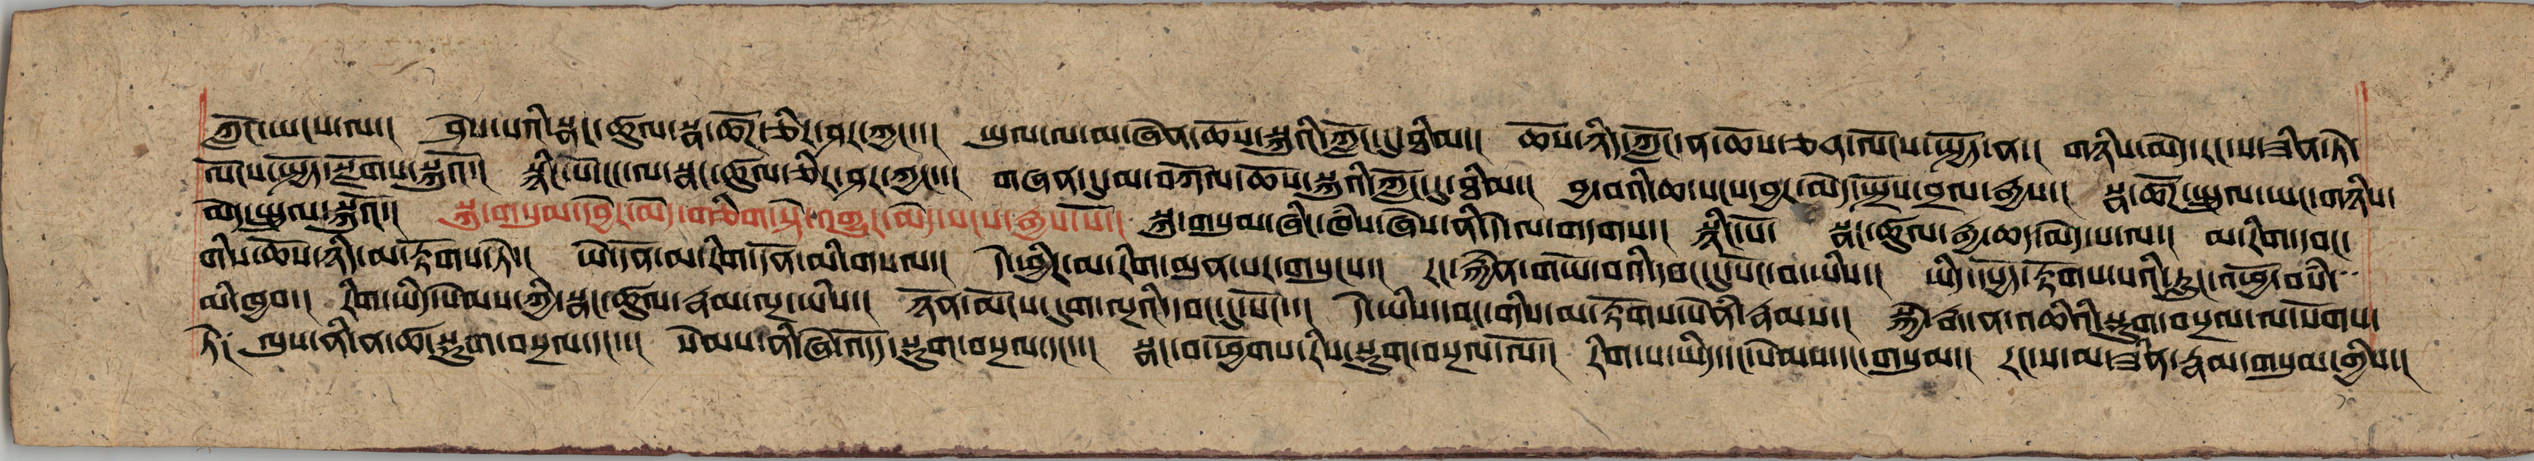ཀློང་ཡངས་ལ་། ཤེས་པའི་སྣང་ཚུལ་སྣ་ཚོཌ་ཅིར་ཤར་ཀྱང་་། ཡུལ་ལ་མ་ཞེན་ཆོས་སྐུའི་ཀློང་དུ་ཐིམ་། ཆོས་ཉིད་ཀློང་ན་ཆོས་ཅན་ལོངས་སྤྱོད་ན་། གཉིས་མེད་རང་ས་ཟིན་ཏེ་
ལོངས་སྤྱོད་སྫོགས་སྐུའོ་། སྙིང་པོ་ངང་ལ་སྣང་ཚུལ་ཅིར་ཤར་ཀྱང་་། གཞན་དུ་མ་བཀོལ་ཆོས་སྐུའི་ཀློང་དུ་ཐིམ་། བྱ་བའི་ཆ་སངས་བྱར་མེད་སྤྲོས་བྲལ་རྒྱས་། སྣ་ཚོཌ་ཡུལ་ཡང་གཉིས་
མེད་སྤྲུལ་སྐུའོ་། སྐུ་གསུམ་དབྱེར་མེད་གཅིག་སྟེ་འགྱུར་མེད་སངས་རྒྱས་སོ་། སྐུ་གསུམ་ཞིང་ཁཾས་ཞེས་ནི་དེ་ལ་གདགས་། སྙིང་པོ་ སྣང་ཚུལ་རྒྱ་ཆད་མེད་པ་ལ་། མ་རིག་དབང་
གིས་ཆོས་ཉིད་མ་རྟོགས་ཏེ་། ཡེ་དོན་མ་རིག་དོན་མི་གསལ་། དེ་ཕྱིར་མ་རིག་མུན་པར་གསུངས་། རང་རྐྱེན་གཡོ་བའི་དབང་དུ་སོང་བ་ཡིས་། ཡིད་དཔྱོད་རྟོགས་པའི་རླུང་འཕྱོ་བསཾ་
མི་ཁྱབ་། རིག་ཡིད་སེམས་ཀྱི་སྣང་ཚུལ་རྣམ་ལྔ་ཡིས་། ཉོན་མོངས་དུག་ལྔའི་དབང་དུ་སོང་་། དེ་ཡིས་དབང་གིས་མ་རྟོགས་སེནཾ་རྣམས་། སྐྱེ་རྒ་ན་འཆིའི་སྡུག་བསྔལ་ལ་སོགས་
ཏེ༑ ལུས་ནི་ན་ཚ་སྡུག་བསྔལ་དང་་། སེམས་ནི་ཞེ་འདོད་སྡུག་བསྔལ་དང་་། སྣང་བ་ཕྱོགས་རིས་སྡུག་བསྔལ་ལོ་། རིག་པ་ཡིད་དང་སེམས་དང་གསུམ་། རང་ས་མ་ཟིན་རྣམ་གསུམ་གྱིས་།